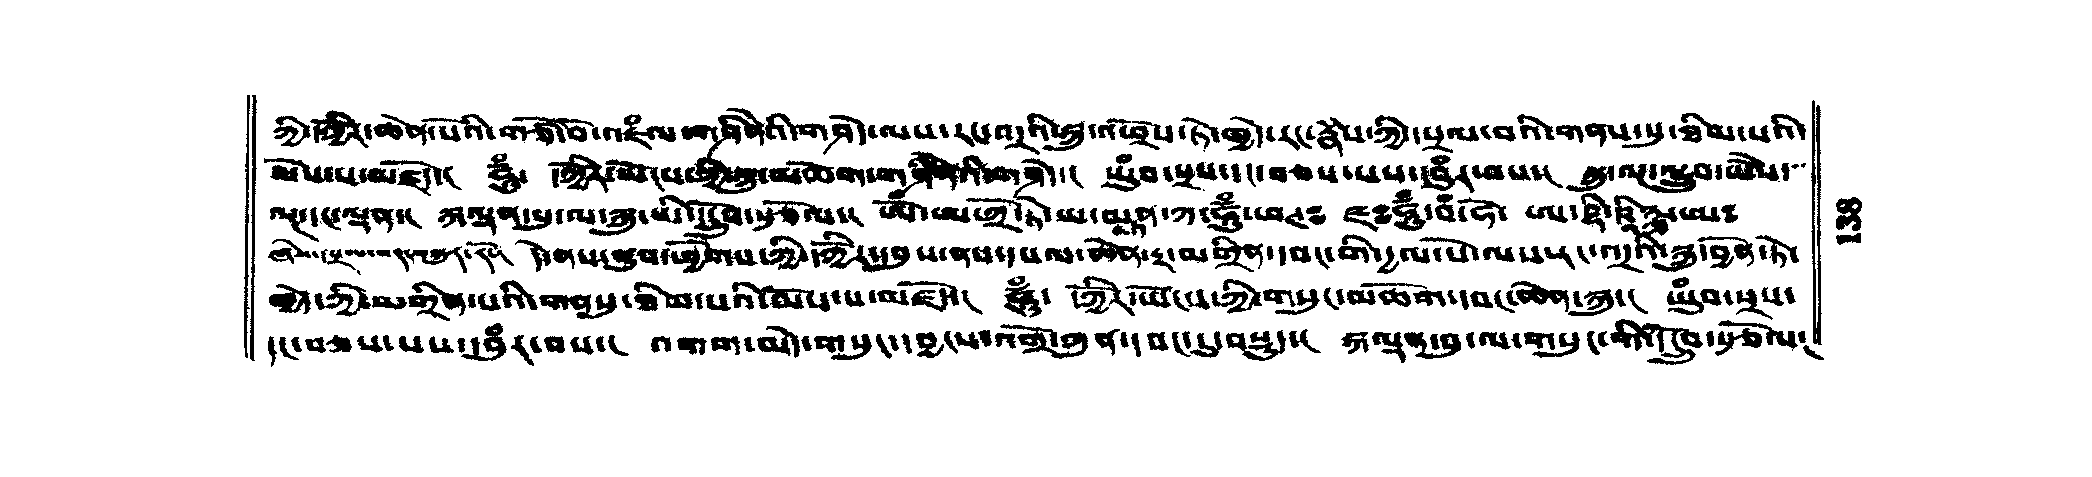ཀྱི་དཀྱིལ་འཁོར་ཆེན་པོའི་གཙོ་བོ་འཇམ་དཔལ་གཤིན་རྗེའི་གཤོད་ལས་རང་འདྲའི་སྐུ་འཕྲོས་ཏེ་ཁྱེད་རང་རྣམས་ཀྱི་དཔྲལ་བའི་གནས་སུ་ཐིམ་པའི་
མོས་པ་མཛོད། ཧཱུྃ། དཀྱིལ་འཁོར་ཡོངས་ཀྱི་སྐུ་མཆོག་གཤིན་རྗེའི་ཚ་ཤེད། ཡབ་ཡུམ་སྲས་དང་བཅས་པས་དབང་བསྐུར་བས། སྐུ་ལྔ་ལྷུན་གྲུབ་ཡེ་ཤེས་
ལྔ་དང་ལྡན། སྐལ་ལྡན་སུ་ལ་སྐུ་ཡི་དངོས་གྲུབ་སྩོལ།ཨོཾ་ཨ་ཀྲོ་ཏེ་ཡ་མཱཏྣ་ཀ་ཧཱུྃ་ཕཊཿ ཛཿཧཱུྃ་བྃ་ཧོ། ཨ་བྷི་རཱིཉྩ་ཨཿ 
ཞེས་དཔྲལ་བར་བསྐུར་རོ། དེ་ནས་ནུས་ཕྱོགས་ཀྱི་དཀྱིལ་འཁོར་དབུས་ནས་དཔལ་ཆེན་རྟ་མགྲིན་དབང་གི་རྒྱལ་པོ་ལས་རང་འདྲིའི་སྐུ་བྱོན་ཏེ་
ཁྱོད་ཀྱི་མགྲིན་པའི་གནས་སུ་ཐིམ་པའི་མོས་པ་མཛོད། ཧཱུྃ། དཀྱིལ་འཁོར་ཡོངས་ཀྱི་གསུང་མཆོག་དབང་ཆེན་སྐུ། ཡབ་ཡུམ་སྲས་
དང་བཅས་པས་དབང་བསྐུར་བས། འགག་མེད་གསུང་དབྱངས་འགྲོ་ཀུན་དབང་དུ་བསྡུད། སྐལ་ལྡན་བུ་ལ་གསུང་གི་དངོས་གྲུབ་སྩོལ།